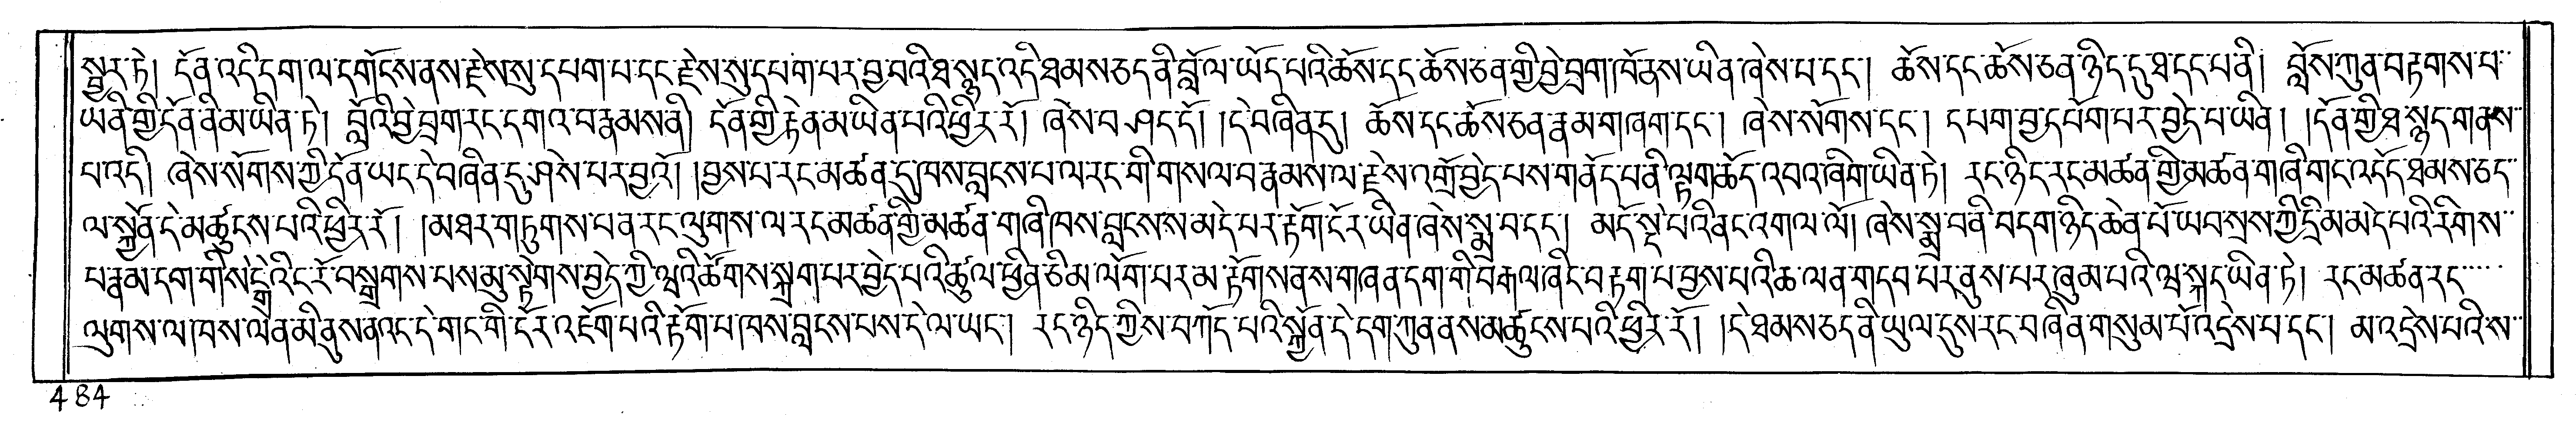སྦྱར་ཏེ། དོན་འདི་དག་ལ་དགོངས་ནས་རྗེས་སུ་དཔག་པ་དང་རྗེས་སུ་དཔག་པར་བྱ་བའི་ཐ་སྙད་འདི་ཐམས་ཅད་ནི་བློ་ལ་ཡོད་པའི་ཆོས་དང་ཆོས་ཅན་གྱི་བྱེ་བྲག་ཁོ་ནས་ཡིན་ཞེས་པ་དང་། ཆོས་དང་ཆོས་ཅན་ཉིད་དུ་ཐ་དད་པ་ནི། བློས་ཀུན་བརྟགས་པ་
ཡིན་གྱི་དོན་ནི་མ་ཡིན་ཏེ། བློའི་བྱེ་བྲག་རང་དགའ་བ་རྣམས་ནི། དོན་གྱི་རྟེན་མ་ཡིན་པའི་ཕྱིར་རོ། ཞེས་བཤད་དོ། །དེ་བཞིན་དུ། ཆོས་དང་ཆོས་ཅན་རྣམ་གཞག་དང་། ཞེས་སོགས་དང་། དཔག་བྱ་དཔོག་པར་བྱེད་པ་ཡིན། །དོན་གྱི་ཐ་སྙད་གནས་
པ་འདི། ཞེས་སོགས་ཀྱི་དོན་ཡང་དེ་བཞིན་དུ་ཤེས་པར་བྱའོ། །བྱས་པ་རང་མཚན་དུ་ཁས་བླངས་པ་ལ་རང་གི་གསལ་བ་རྣམས་ལ་རྗེས་འགྲོ་བྱེད་པས་གནོད་པ་ནི་ལྟག་ཆོད་འབའ་ཞིག་ཡིན་ཏེ། རང་ཉིད་རང་མཚན་གྱི་མཚན་གཞི་གང་འདོད་ཐམས་ཅད་
ལ་སྐྱོན་དེ་མཚུངས་པའི་ཕྱིར་རོ། །མཐར་གཏུགས་པ་ན་རང་ལུགས་ལ་རང་མཚན་གྱི་མཚན་གཞི་ཁས་བླངས་ས་མེད་པར་རྟོག་ངོར་ཡིན་ཞེས་སྨྲ་བ་དང་། མདོ་སྡེ་བའི་ནང་འགལ་ལོ། ཞེས་སྨྲ་བ་ནི་བདག་ཉིད་ཆེན་པོ་ཡབ་སྲས་ཀྱི་དྲི་མ་མེད་པའི་རིགས་
པ་རྣམ་དག་གི་སེངྒེའི་ང་རོ་བསྒྲགས་པས་མུ་སྟེགས་བྱེད་ཀྱི་ཝའི་ཚོགས་སྐྲག་པར་བྱེད་པའི་ཚུལ་ཕྱིན་ཅི་མ་ལོག་པར་མ་རྟོགས་ནས་གཞན་དག་གི་བརྒལ་ཞིང་བརྟག་པ་བྱས་པའི་ཆ་ལན་གདབ་པར་ནུས་པར་ཞུམ་པའི་ཝ་སྐད་ཡིན་ཏེ། རང་མཚན་རང་
ལུགས་ལ་ཁས་ལེན་མི་ནུས་ནའང་དེ་གང་གི་ངོར་འཇོག་པའི་རྟོག་པ་ཁས་བླངས་པས་དེ་ལ་ཡང་། རང་ཉིད་ཀྱིས་བཀོད་པའི་སྐྱོན་དེ་དག་ཀུན་ནས་མཚུངས་པའི་ཕྱིར་རོ། །དེ་ཐམས་ཅད་ནི་ཡུལ་དུས་རང་བཞིན་གསུམ་པོ་འདྲེས་པ་དང་། མ་འདྲེས་པའི་ས་